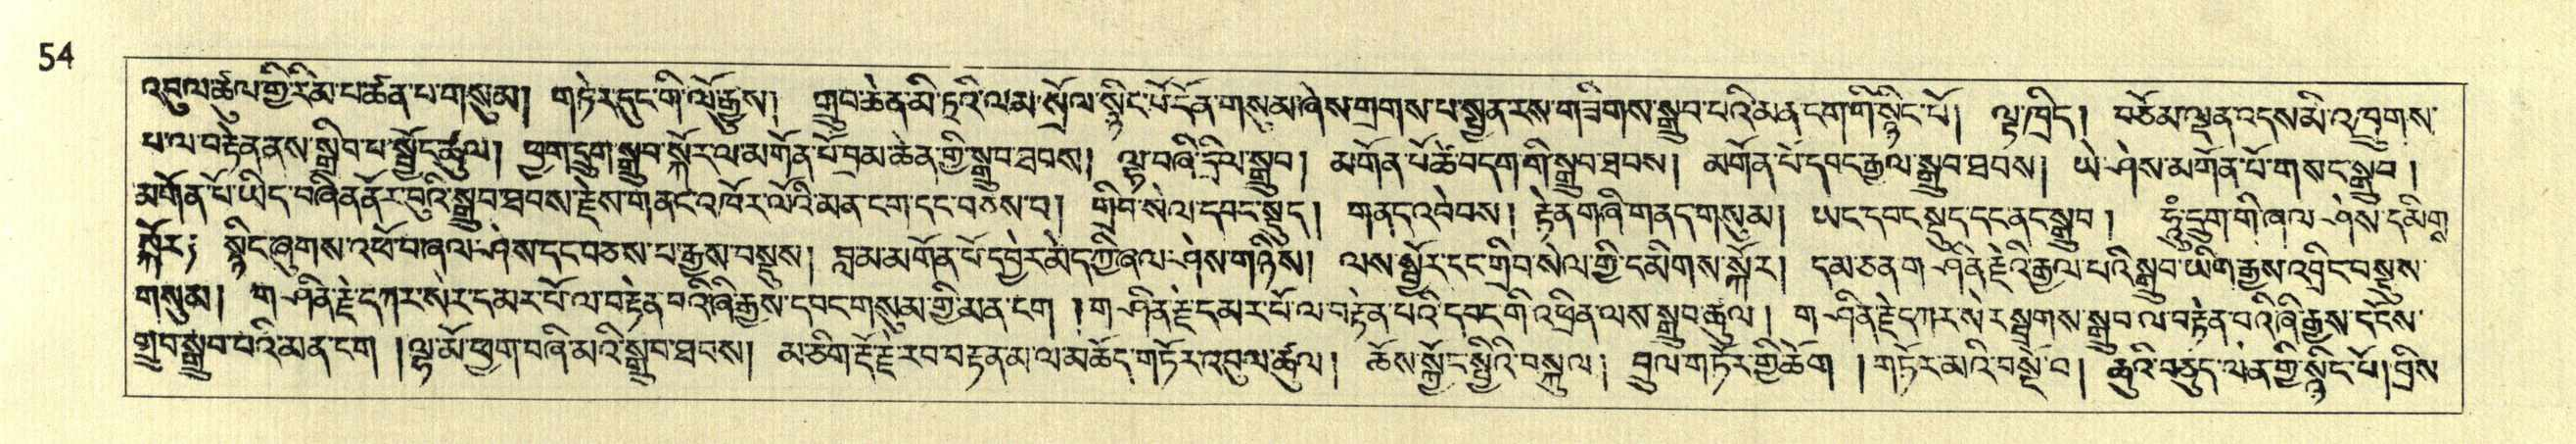འབུལ་ཚུལ་གྱི་རིམ་པ་ཚན་པ་གསུམ། གཏེར་དུང་གི་ལོ་རྒྱུས། གྲུབ་ཆེན་མི་ཏྲའི་ལམ་སྲོལ་སྙིང་པོ་དོན་གསུམ་ཞེས་གྲགས་པ་སྤྱན་རས་གཟིགས་སྒྲུབ་པའི་མན་ངག་གི་སྙིང་པོ། ལྟ་ཁྲིད། བཅོམ་ལྡན་འདས་མི་འཁྲུགས་
པ་ལ་བརྟེན་ནས་སྒྲིབ་པ་སྦྱོང་ཚུལ། ཕྱག་དྲུག་སྒྲུབ་སྐོར་ལ་མགོན་པོ་བྲམ་ཆེན་གྱི་སྒྲུབ་ཐབས། ལྟ་བཞི་དྲིལ་སྒྲུབ། མགོན་པོ་ཚེ་བདག་གི་སྒྲུབ་ཐབས། མགོན་པོ་དབང་རྒྱལ་སྒྲུབ་ཐབས། ཡེ་ཤེས་མགོན་པོ་གསང་སྒྲུབ།
མགོན་པོ་ཡིད་བཞིན་ནོར་བུའི་སྒྲུབ་ཐབས་རྗེས་གནང་འཁོར་ལོའི་མན་ངག་དང་བཅས་པ། གྲིབ་སེལ་དབང་སྡུད། གནད་འབེབས། རྟེན་གཞི་གནད་གསུམ། ཡང་དབང་སྡུད་དང་ནང་སྒྲུབ། ཧཱུཾ་དྲུག་གི་ཞལ་ཤེས་དམིགས་
སྐོར༑ སྙིང་ཞུགས་འཕོ་བ་ཞལ་ཤེས་དང་བཅས་པ་རྒྱས་བསྡུས། བླ་མ་མགོན་པོ་དབྱེར་མེད་ཀྱི་ཞལ་ཤེས་གཉིས། ལས་སྦྱོར་དང་གྲིབ་སེལ་གྱི་དམིགས་སྐོར། དམ་ཅན་གཤིན་རྗེའི་རྒྱལ་པའི་སྒྲུབ་ཡིག་རྒྱས་འབྲིང་བསྡུས་
གསུམ། གཤིན་རྗེ་དཀར་སེར་དམར་པོ་ལ་བརྟེན་བའི་ཞི་རྒྱས་དབང་གསུམ་གྱི་མན་ངག །གཤིན་རྗེ་དམར་པོ་ལ་བརྟེན་པའི་དབང་གི་འཕྲིན་ལས་སྒྲུབ་ཚུལ། གཤིན་རྗེ་དཀར་སེར་སྦྲགས་སྒྲུབ་ལ་བརྟེན་པའི་ཞི་རྒྱས་དངོས་
གྲུབ་སྒྲུབ་པའི་མན་ངག །ལྷ་མོ་ཕྱག་བཞི་མའི་སྒྲུབ་ཐབས། མ་ཅིག་རྡོ་རྗེ་རབ་བརྟན་མ་ལ་མཆོད་གཏོར་འབུལ་ཚུལ། ཆོས་སྐྱོང་སྤྱིའི་བསྐུལ། བྲུལ་གཏོར་གྱི་ཆོག །གཏོར་མའི་བསྔོ་བ། ཆུའི་བཅུད་ལེན་གྱི་སྙིང་པོ། བྲིས་